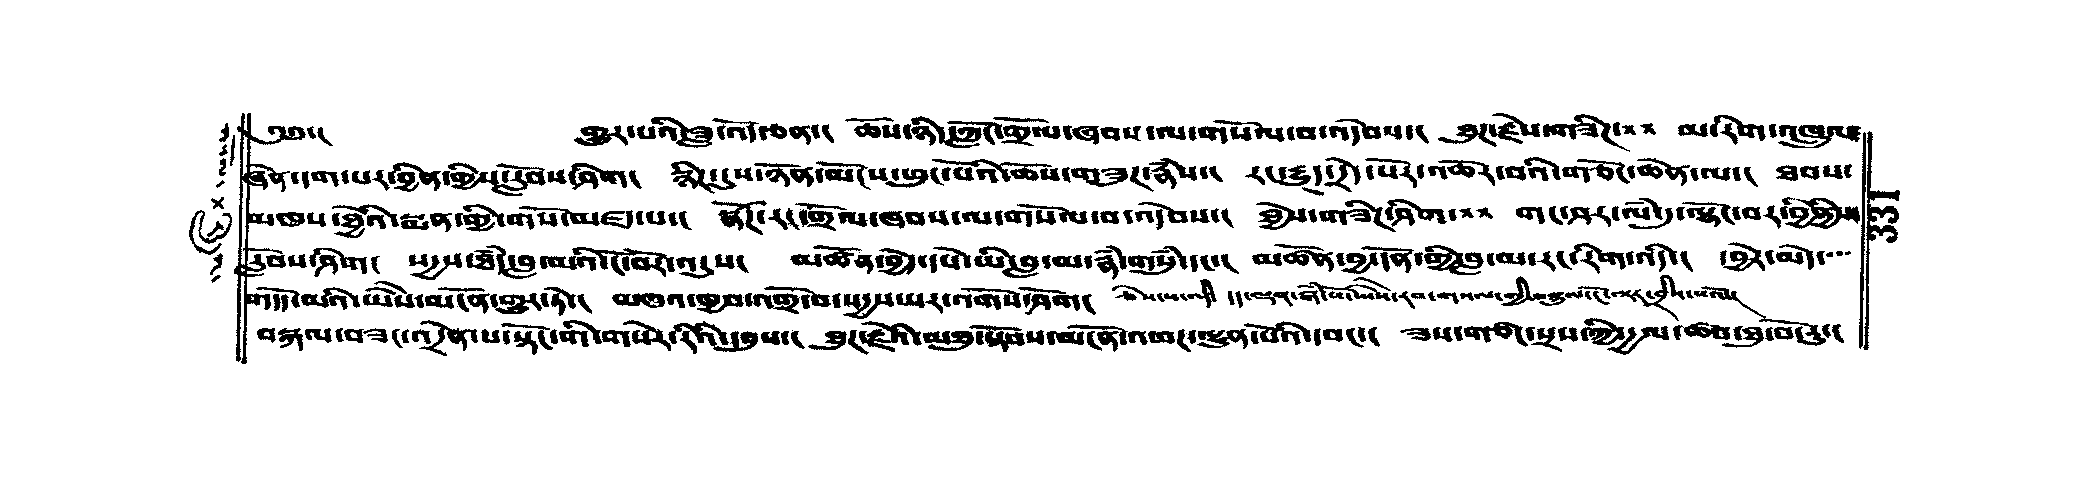གྱུར་པའི་ཟླ་འོད་ཅན། །ཆོས་ཉིད་ཀློང་གྲོལ་ཞབས་ལ་གསོལ་བ་འདེབས། །ཐུགས་རྗེས་གཟིགས༴ །མ་རིག་འཁྲུལ་
ཞེན་དག་པར་བྱིན་གྱིས་རློབས་ཤིག །སྙིགས་དུས་ཉོན་མོངས་ཕུང་པོའི་ཆོས་གཟུགས་རྣམས། །རང་རྒྱུད་དྲེད་པོར་འཆོར་བའི་གཅོང་ཆེན་ལ། །ཐབས་
མཁས་ཐུགས་རྗེའི་སྨན་གྱི་གསོ་མཛད་པ། །སྣ་ཚོགས་རང་གྲོལ་ཞབས་ལ་གསོལ་བ་འདེབས། །ཐུགས་རྗེས་གཟིགས་ཤིག༴ །གང་ཤར་ལམ་དུ་ལྷོངས་བར་བྱིན་གྱིས་
རློབས་ཤིག །སངས་རྒྱས་ཐམས་ཅད་བླ་མའི་ངོ་བོར་འདུས། །མཚོན་བྱེད་དཔེ་ཡི་བླ་མ་རྣམ་གསུམ་དང་། །མཚོན་བྱ་དོན་གྱི་བླ་མ་རང་རིག་འདི། །དབྱེར་མེད་
གདོད་མའི་ཡེ་ཤེས་མངོན་གྱུར་ཏེ། །མཁའ་ཁྱབ་འགྲོ་བ་སངས་རྒྱས་སར་འགོད་ཤོག ཅེས་པ་འདི་དད་ལྡན་སྒམ་པོ་ཡེ་ཤེས་རབ་གསལ་གྱི་བསྐུལ་ངོ་ལྟར་བྲིས་པའོ།། 
བསྐལ་བཟང་འདྲེན་པ་སྟོང་གི་གསེར་རིའི་དབུས། །ཐུགས་རྗེའི་མཐུ་སྟོབས་མངོན་འཕགས་ལྷུན་པོའི་དབང་། །ཟས་གཙང་སྲས་ཀྱི་རྒྱལ་ཚབ་ཐུ་བོ་རུ།